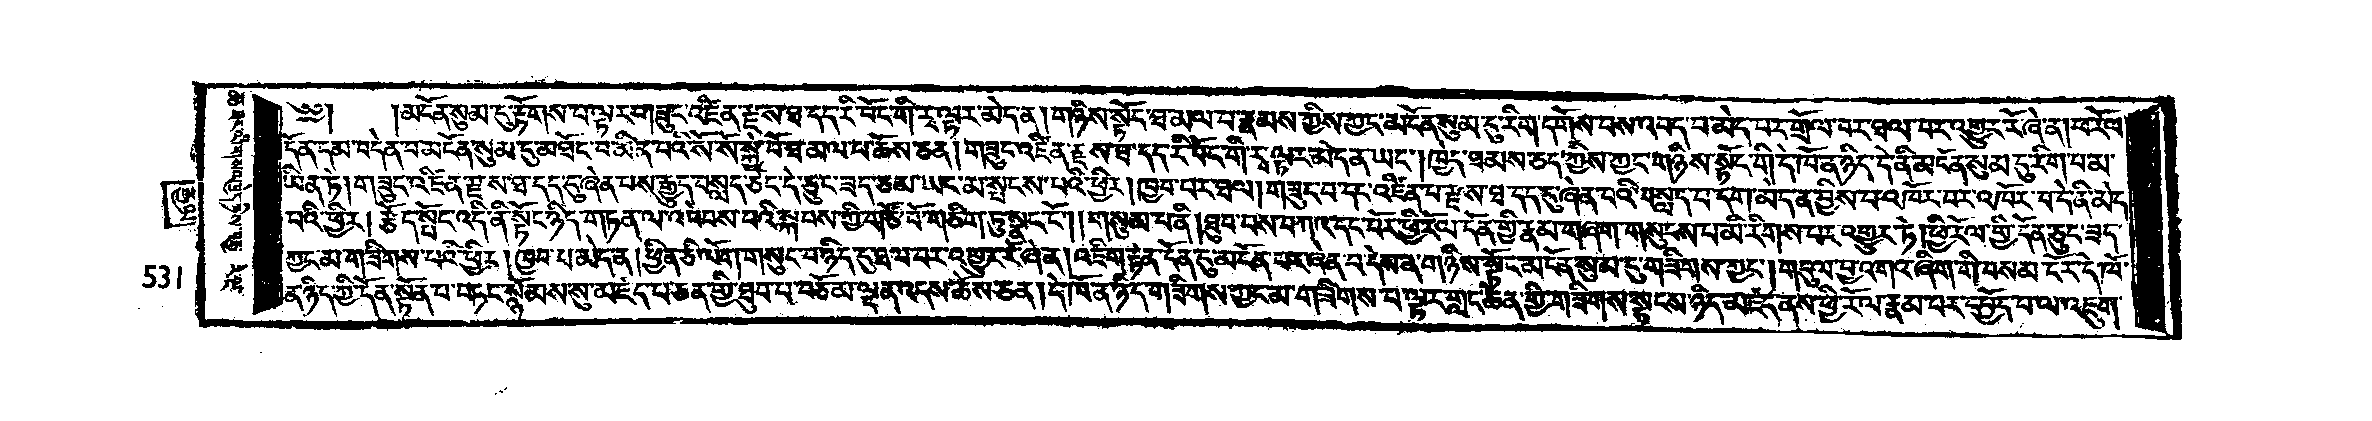༄༅། །མངོན་སུམ་དུ་རྟོགས་པ་ལྟར་གཟུང་འཛིན་རྫས་ཐ་དད་རི་བོང་གི་རྭ་ལྟར་མེད་ན། གཉིས་སྟོང་ཐ་མལ་པ་རྣམས་ཀྱིས་ཀྱང་མངོན་སུམ་དུ་རིག་དགོས་པས་འབད་པ་མེད་པར་གྲོལ་བར་ཐལ་བར་འགྱུར་རོ་ཞེ་ན། ཕ་རོལ་
དོན་དམ་བདེན་པ་མངོན་སུམ་དུ་མཐོང་བ་མིན་པའི་སོ་སོ་སྐྱེ་བོ་ཐ་མལ་པ་ཆོས་ཅན། གཟུང་འཛིན་རྭས་?་ཐ་དད་རི་བོང་གི་རྭ་ལྟར་མེད་ན་ཡང་། ཁྱེད་ཐམས་ཅད་ཀྱིས་ཀྱང་གཉིས་སྟོང་གི་དེ་ཁོ་ན་ཉིད་དེ་ནི་མངོན་སུམ་དུ་རིག་པ་མ་
ཡིན་ཏེ། གཟུང་འཛིན་རྫས་ཐ་དད་དུ་ཞེན་པས་རྒྱུད་བསླད་ཅིང་དེ་ཅུང་ཟད་ཙམ་ཡང་མ་སྤངས་པའི་ཕྱིར། ཁྱབ་པར་ཐལ། གཟུང་བ་དང་འཛིན་པ་རྫས་ཐ་དད་དུ་ཞེན་པའི་བསླད་པ་དག་མེད་ན་བྱིས་པ་འཁོར་བར་འཁོར་བ་དེ་ནི་མེད་
པའི་ཕྱིར། རྩོད་སྤོང་འདི་ནི་སྟོང་ཉིད་གཏན་ལ་འབེབས་པའི་སྐབས་ཀྱི་གཙོ་བོ་གཅིག་ཏུ་སྣང་ངོ། །གསུམ་པ་ནི། ཐུབ་པས་བཀའ་དང་པོར་ཕྱི་རོལ་དོན་གྱི་རྣམ་གཞག་གསུངས་པ་མི་རིགས་པར་འགྱུར་ཏེ། ཕྱི་རོལ་གྱི་དོན་ཅུང་ཟད་
ཀྱང་མ་གཟིགས་པའི་ཕྱིར། ཁྱབ་ཐ་མེད་ན། ཕྱིན་ཅི་ལོག་གསུང་བ་ཉིད་དུ་ཐལ་བར་འགྱུར་རོ་ཞེ་ན། འཇིག་རྟེན་དོན་དུ་མངོན་པར་ཞེན་པ་དེས་ན་གཉིས་སྟོང་མངོན་སུམ་དུ་གཟིགས་ཀྱང་། གདུལ་བྱ་འགའ་ཞིག་གི་བསམ་ངོར་དེ་ཁོ་
ན་ཉིད་ཀྱི་དོན་སྟོན་པ་བཏང་སྙོམས་སུ་མཛད་པ་ཅན་གྱི་ཐུབ་པ་བཅོམ་ལྡན་འདས་ཆོས་ཅན། དེ་ཁོ་ན་ཉིད་གཟིགས་ཀྱང་མ་གཟིགས་པ་ལྟར་གླང་ཆེན་གྱི་གཟིགས་སྟངས་ཉིད་མཛད་ནས་ཕྱི་རོལ་རྣམ་པར་དཔྱོད་པ་ལ་འཇུག་